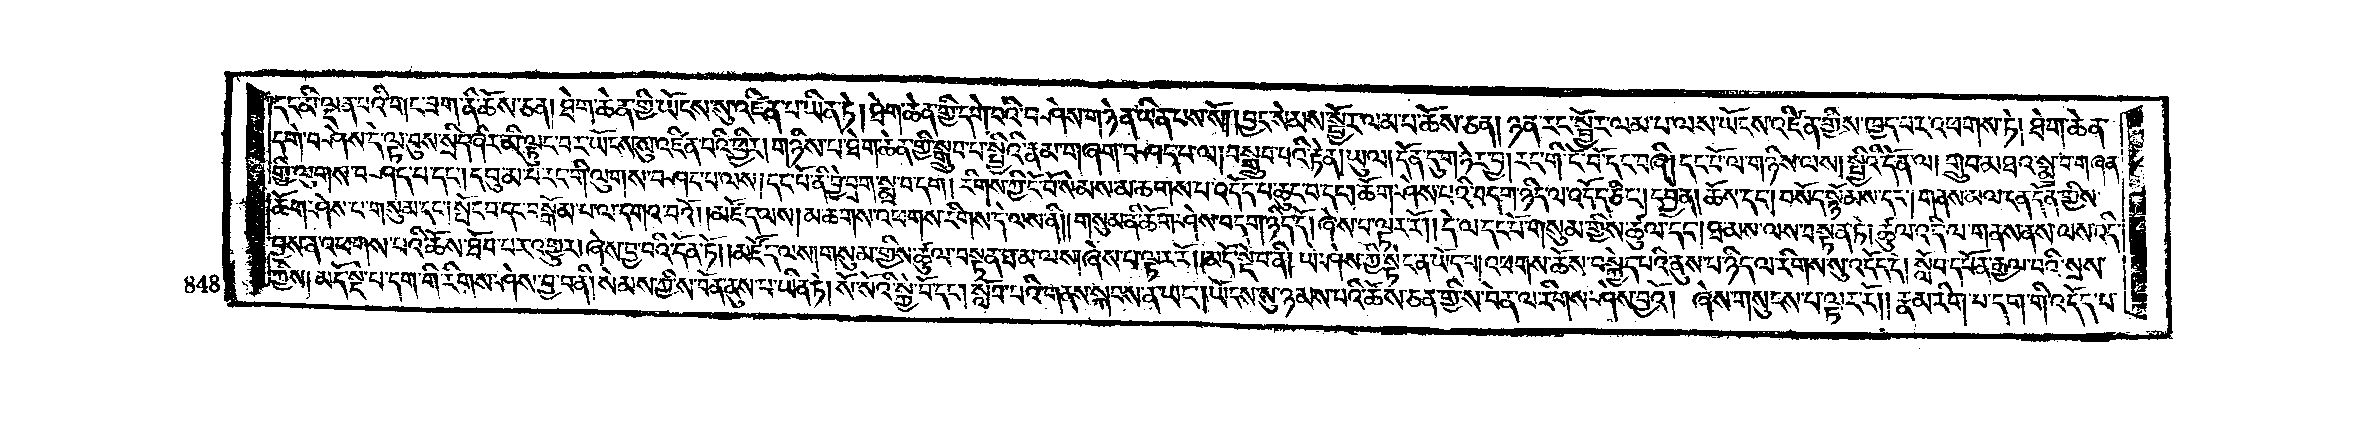དང་མི་ལྡན་པའི་གང་ཟག་ནི་ཆོས་ཅན། ཐེག་ཆེན་གྱི་ཡོངས་སུ་འཛིན་པ་ཡིན་ཏེ། ཐེག་ཆེན་གྱི་དགེ་བའི་བཤེས་གཉེན་ཡིན་པས་སོ། །བྱང་སེམས་སྦྱོར་ལམ་པ་ཆོས་ཅན། ཉན་རང་སྦྱོར་ལམ་པ་ལས་ཡོངས་འཛིན་གྱིས་ཁྱད་པར་འཕགས་ཏེ། ཐེག་ཆེན་
དགེ་བཤེས་དེ་ལྟ་བུས་སྲིད་ཞིར་མི་ལྟུང་བར་ཡོངས་སུ་འཛིན་པའི་ཕྱིར། གཉིས་པ་ཐེག་ཆེན་གྱི་སྒྲུབ་པ་སྤྱིའི་རྣམ་གཞག་བཤད་པ་ལ། བསྒྲུབ་པའི་རྟེན། ཡུལ། དོན་དུ་གཉེར་བྱ། རང་གི་ངོ་བོ་དང་བཞི། དང་པོ་ལ་གཉིས་ལས། སྤྱིའི་དོན་ལ། གྲུབ་མཐའ་སྨྲ་བ་གཞན་
གྱི་ལུགས་བཤད་པ་དང་། དབུ་མ་པ་རང་གི་ལུགས་བཤད་པ་ལས། དང་པོ་ནི་བྱེ་བྲག་སྨྲ་བ་དག། རིགས་ཀྱི་ངོ་བོ་སེམས་མ་ཆགས་པ་འདོད་པ་ཆུང་བ་དང་། ཆོག་ཤེས་པའི་བདག་ཉིད་ལ་འདོད་ཅིང་། དབྱེ་ན། ཆོས་དང་། བསོད་སྙོམས་དང་། གནས་མལ་ངན་དོན་གྱིས་
ཆོག་ཤེས་པ་གསུམ་དང་། སྤོང་བ་དང་བསྒོམ་པ་ལ་དགའ་བའོ། །མཛོད་ལས། མ་ཆགས་འཕགས་རིགས་དེ་ལས་ནི། །གསུམ་ནི་ཆོག་ཤེས་བདག་ཉིད་དོ། ཞེས་པ་ལྟར་རོ། །དེ་ལ་དང་པོ་གསུམ་གྱིས་ཚུལ་དང་། ཐ་མ་ལས་བསྟན་ཏེ། ཚུལ་འདི་ལ་གནས་ནས་ལས་འདི་
བྱས་ན་འཕགས་པའི་ཆོས་ཐོབ་པར་འགྱུར། ཞེས་བྱ་བའི་དོན་ཏོ། །མཛོད་ལས། གསུམ་གྱིས་ཚུལ་བསྟན་ཐ་མ་ལས། ཞེས་པ་ལྟར་རོ། །མདོ་སྡེ་པ་ནི། ཡེ་ཤེས་ཀྱི་སྟེང་ན་ཡོད་པ། འཕགས་ཆོས་བསྐྱེད་པའི་ནུས་པ་ཉིད་ལ་རིགས་སུ་འདོད་དེ། སློབ་དཔོན་རྒྱལ་བའི་སྲས་
ཀྱིས། མདོ་སྡེ་པ་དག་གི་རིགས་ཤེས་བྱ་བ་ནི། སེམས་ཀྱི་ས་བོན་ནུས་པ་ཡིན་ཏེ། སོ་སོའི་སྐྱེ་བོ་དང་། སློབ་པའི་གནས་སྐབས་ན་ཡང་། ཡོངས་སུ་ཉམས་པའི་ཆོས་ཅན་གྱི་ས་བོན་ལ་རིགས་ཤེས་བྱའོ། ཞེས་གསུངས་པ་ལྟར་རོ། །རྣམ་རིག་པ་དག་གི་འདོད་པ་